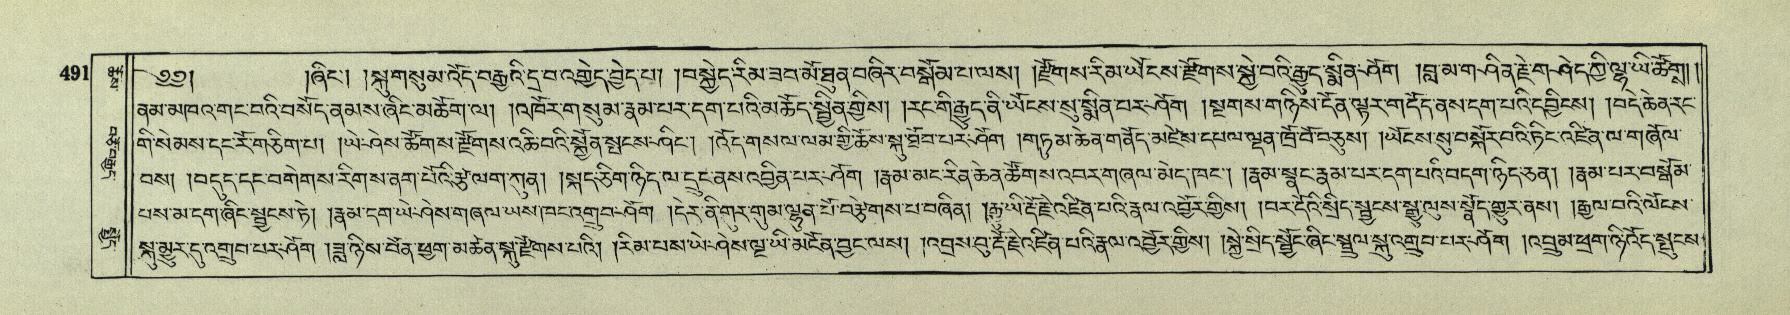༄༅། །ཞིང་། །སྐུ་གསུམ་འོད་བརྒྱའི་དྲ་བ་འགྱེད་བྱེད་པ། །བསྐྱེད་རིམ་ཟབ་མོ་ཐུན་བཞིར་བསྒོམ་པ་ལས། །རྫོགས་རིམ་ཡོངས་རྫོགས་སྐྱེ་བའི་རྒྱུད་སྨིན་ཤོག །བླ་མ་གཤིན་རྗེ་གཤེད་ཀྱི་ལྷ་ཡི་ཚོགས། །
ནམ་མཁའ་གང་བའི་བསོད་ནམས་ཞིང་མཆོག་ལ། །འཁོར་གསུམ་རྣམ་པར་དག་པའི་མཆོད་སྦྱིན་གྱིས། །རང་གི་རྒྱུད་ནི་ཡོངས་སུ་སྨིན་པར་ཤོག །སྔགས་གཉིས་དོན་ལྟར་གདོད་ནས་དག་པའི་དབྱིངས། །བདེ་ཆེན་རང་
གི་སེམས་དང་རོ་གཅིག་པ། །ཡེ་ཤེས་ཚོགས་རྫོགས་འཆི་བའི་སྐྱོན་སྤངས་ཤིང་། །འོད་གསལ་ལམ་གྱི་ཆོས་སྐུ་ཐོབ་པར་ཤོག །གཏུམ་ཆེན་གནོད་མཛེས་དཔལ་ལྡན་ཁྲོ་བོ་བཅུས། །ཡོངས་སུ་བསྐོར་བའི་ཏིང་འཛིན་ལ་གཞོལ་
བས། །བདུད་དང་བགེགས་རིགས་ནག་པོའི་རྩ་ལག་ཀུན། །སྐད་ཅིག་ཉིད་ལ་དྲུང་ནས་འབྱིན་པར་ཤོག །རྣམ་མང་རིན་ཆེན་ཚོགས་འབར་གཞལ་མེད་ཁང་། །རྣམ་སྣང་རྣམ་པར་དག་པའི་བདག་ཉིད་ཅན། །རྣམ་པར་བསྒོམ་
པས་མ་དག་ཞིང་སྦྱངས་ཏེ། །རྣམ་དག་ཡེ་ཤེས་གཞལ་ཡས་ཁང་འགྲུབ་ཤོག །དེར་ནི་གུར་གུམ་ལྷུན་པོ་བརྩེགས་པ་བཞིན། །རྒྱུ་ཡི་རྡོ་རྗེ་འཛིན་པའི་རྣལ་འབྱོར་གྱིས། །བར་དོའི་སྲིད་སྦྱངས་སྒྱུར་ལུས་སྣོད་གྱུར་ནས། །རྒྱལ་བའི་ལོངས་
སྐུ་མྱུར་དུ་འགྲུབ་པར་ཤོག །ཟླ་ཉི་ས་བོན་ཕྱག་མཚན་སྐུ་རྫོགས་པའི། །རིམ་པས་ཡེ་ཤེས་ལྔ་ཡི་མངོན་བྱང་ལས། །འབྲས་བུ་རྡོ་རྗེ་འཛིན་པའི་རྣལ་འབྱོར་གྱིས། །སྐྱེ་སྲིད་སྦྱོང་ཞིང་སྦྲུལ་སྐུ་འགྲུབ་པར་ཤོག །འབྲུམ་ཕྲག་ཉི་འོད་སྤུངས་